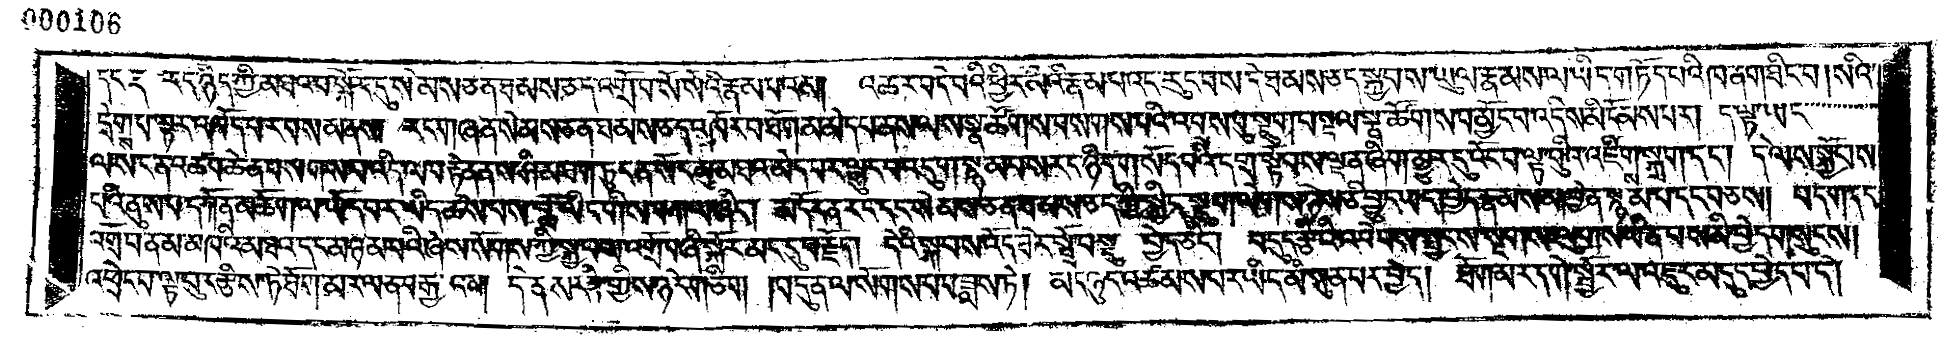དང༑ རང་ཉིད་ཀྱི་མཐའ་བསྐོར་དུ་སེམས་ཅན་ཐམས་ཅད་འགྲོ་བ་སོ་སོའི་རྣམ་པའམ། འཆར་བདེ་བའི་ཕྱིར་མིའི་རྣམ་པའང་རུང་བས་དེ་ཐམས་ཅད་སྐྱབས་ཡུལ་རྣམས་ལ་ཡིད་གཏོད་པའི་ཁ་ནག་ཐིང་བ། སའི་
དྲེགས་པ་ལྟར་འཁོད་པར་བསམ་ནས། རང་གཞན་སེམས་ཅན་ཐམས་ཅད་འཁོར་བ་ཐོག་མ་མེད་པ་ནས་ལས་སྣ་ཚོགས་བསགས་པའི་འབྲས་བུ་སྡུག་བསྔལ་སྣ་ཚོགས་པ་མྱོང་བ་འདིས་མི་ངོམས་པར། ད་ལྟ་ཡང་
ལས་ངན་འཚབ་ཆེན་བསགས་པ་འདི་ལ་བརྟེན་ནས་ཤི་མ་ཐག་ཏུ་ངན་སོང་མུ་མཐའ་མེད་པར་ལྷུང་བ་འདུག་སྙམ་བས་རང་ཉིད་གསོད་པའི་དགྲ་སྟོབས་ལྡན་ཞིག་མྱུར་དུ་འོང་བ་ལྟ་བུའི་འཇིགས་སྐྲག་དང་། དེ་ལས་སྐྱོབས་
པའི་ནུས་པ་དཀོན་མཆོག་ལ་ཡོད་པར་ཡིད་ཆེས་པས་བློ་ལིང་གིས་བཀལ་ཞིང་། མདོར་ན་རང་དང་སེམས་ཅན་ཐམས་ཅད་ཀྱི་སྐྱིད་སྡུག་ལེགས་ཉེས་ཅི་བྱུང་ཡང་ཁྱེད་རྣམས་མཁྱེན་སྙམ་པ་དང་བཅས། བདག་དང་
འགྲོ་བ་ནམ་མཁའི་མཐའ་དང་མཉམ་པའི་ཞེས་སོགས་ཀྱི་སྐྱབས་འགྲོ་བཞི་སྐོར་མང་དུ་བརྗོད། དེའི་སྐབས་འོད་ཟེར་སྤྲོ་བསྡུ་བྱེད་ཅིང་། བདུད་རྩིའི་འབེབས་སྦྱངས་སྔགས་ལུགས་ཡིན་པས་མི་བྱེད་གསུངས།
འཕྲེང་བ་ལྟ་བུར་རྩིས་ཏེ་ཐོག་མར་ལན་བརྒྱའམ། དེ་ནས་རིམ་གྱིས་ཉེར་གཅིག །བདུན་ལ་སོགས་པ་བཟླས་ཏེ། མང་ཉུང་འཚམས་པར་ཡིད་མི་སུན་པར་བྱེད། ཐོག་མར་དགེ་སྦྱོར་ལ་འཇུར་མདུད་བྱེད་པ་དེ།